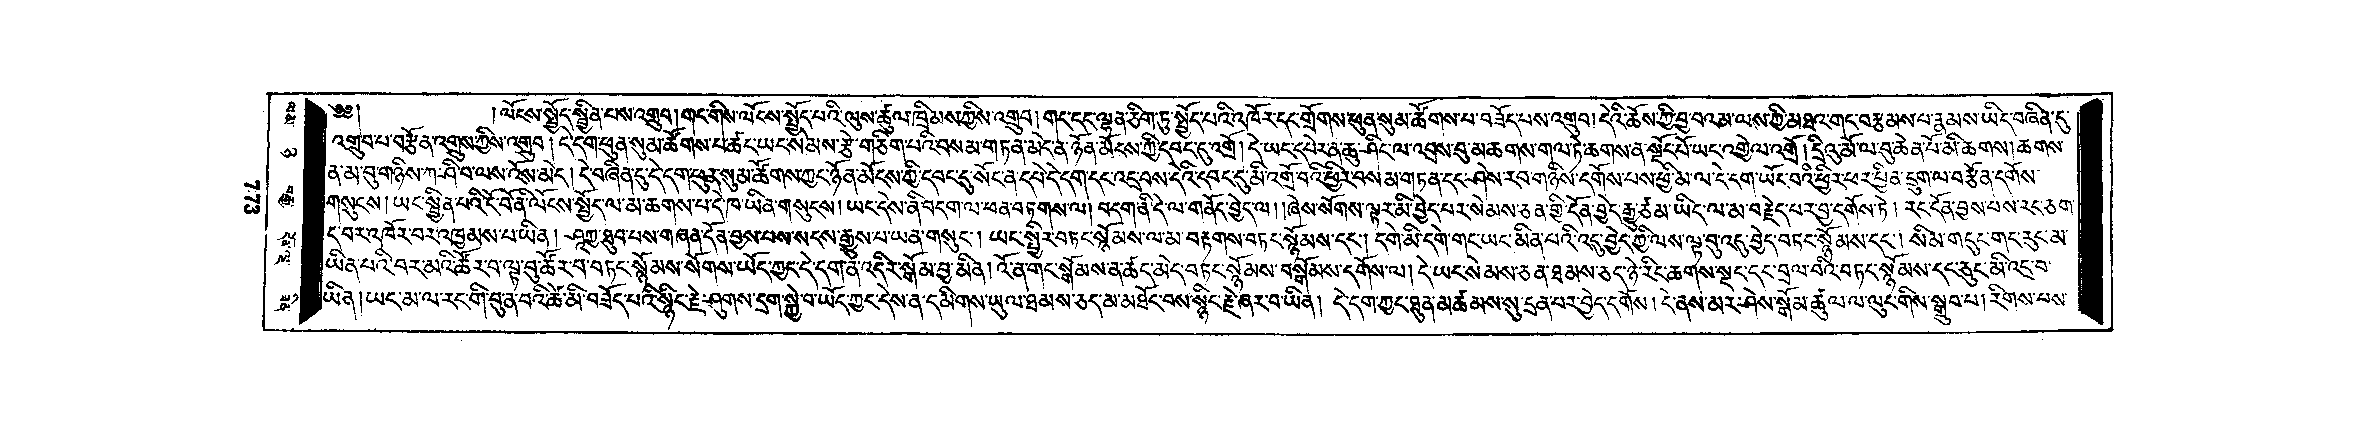༄༅། །ལོངས་སྤྱོད་སྦྱིན་པས་འགྲུབ། གང་གིས་ལོངས་སྤྱོད་པའི་ལུས་ཚུལ་ཁྲིམས་ཀྱིས་འགྲུབ། གང་དང་ལྷན་ཅིག་ཏུ་སྤྱོད་པའི་འཁོར་དང་གྲོགས་ཕུན་སུམ་ཚོགས་པ་བཟོད་པས་འགྲུབ། དེའི་ཆོས་ཀྱི་བྱ་བའམ་ལས་ཀྱི་མཐའ་གང་བརྩམས་པ་རྣམས་ཡིད་བཞིན་དུ་
འགྲུབ་པ་བརྩོན་འགྲུས་ཀྱིས་འགྲུབ། དེ་དག་ཕུན་སུམ་ཚོགས་པ་ཚང་ཡང་སེམས་རྩེ་གཅིག་པའི་བསམ་གཏན་མེད་ན་ཉོན་མོངས་ཀྱི་དབང་དུ་འགྲོ། དེ་ཡང་དཔེར་ན་ཆུ་ཤིང་ལ་འབྲས་བུ་མ་ཆགས་གལ་ཏེ་ཆགས་ན་སྡོང་པོ་ཡང་འགྱེལ་འགྲོ་།དྲིའུ་མོ་ལ་བུ་ཆེན་པོ་མི་ཆགས། ཆགས་
ན་མ་བུ་གཉིས་ཀ་ཤི་བ་ལས་འོས་མེད། དེ་བཞིན་དུ་དེ་དག་ཕུན་སུམ་ཚོགས་ཀྱང་ཉོན་མོངས་ཀྱི་དབང་དུ་སོང་ན་དཔེ་དེ་དག་དང་འདྲ་བས་དེའི་དབང་དུ་མི་འགྲོ་བའི་ཕྱིར་བསམ་གཏན་དང་ཤེས་རབ་གཉིས་དགོས་པས་ཕྱི་མ་ལ་དེ་དག་ཡོང་བའི་ཕྱིར་ཕར་ཕྱིན་དྲུག་ལ་བརྩོན་དགོས་
གསུངས། ཡང་སྦྱིན་པའི་ངོ་བོ་ནི་ལོངས་སྤྱོད་ལ་མ་ཆགས་པ་དེ་ཁ་ཡིན་གསུངས། ཡང་དེས་ནི་བདག་ལ་ཕན་བཏགས་ལ། བདག་ནི་དེ་ལ་གནོད་བྱེད་ལ། །ཞེས་སོགས་ལྟར་མི་བྱེད་པར་སེམས་ཅན་གྱི་དོན་བྱེད་རྒྱུ་ཙམ་ཡིད་ལ་མ་བརྗེད་པར་བྱ་དགོས་ཏེ། རང་དོན་བྱས་པས་རང་ཅག་
ད་བར་འཁོར་བར་འཁྱམས་པ་ཡིན། ཤཱཀྱ་ཐུབ་པས་གཞན་དོན་བྱས་པས་སངས་རྒྱུས་པ་ཡན་གསུང་། ཡང་སྤྱིར་བཏང་སྙོམས་ལ་མ་བརྟགས་བཏང་སྙོམས་དང་། དགེ་མི་དགེ་གང་ཡང་མིན་པའི་འདུ་བྱེད་ཀྱི་ལས་ལྟ་བུ་འདུ་བྱེད་བཏང་སྙོམས་དང་། སིམ་གདུང་གང་རུང་མ་
ཡིན་པའི་བར་མའི་ཚོར་བ་ལྟ་བུ་ཚོར་བ་བཏང་སྙོམས་སོགས་ཡོད་ཀྱང་དེ་དག་ན་འདིར་སྒོམ་བྱ་མིན། འོ་ན་གང་སྒོམས་ན་ཚད་མེད་བཏང་སྙོམས་བསྒོམས་དགོས་ལ། དེ་ཡང་སེམས་ཅན་ཐམས་ཅད་ཉེ་རིང་ཆགས་སྡང་དང་བྲལ་བའི་བཏང་སྙོམས་དང་ཅུང་མི་འདྲ་བ་
ཡིན། ཡང་མ་ལ་རང་གི་བུ་ན་བའི་ཚེ་མི་བཟོད་པའི་སྙིང་རྗེ་ཤུགས་དྲག་སྐྱེ་བ་ཡོད་ཀྱང་དེས་ན་དམིགས་ཡུལ་ཐམས་ཅད་མ་མཐོང་བས་སྙིང་རྗེ་ཞར་བ་ཡིན། དེ་དག་ཀྱང་ཐུན་མཚམས་སུ་དྲན་པར་བྱེད་དགོས། དེ་ནས་མར་ཤེས་སྒོམ་ཚུལ་ལ་ལུང་གིས་སྒྲུབ་པ། རིགས་པས་